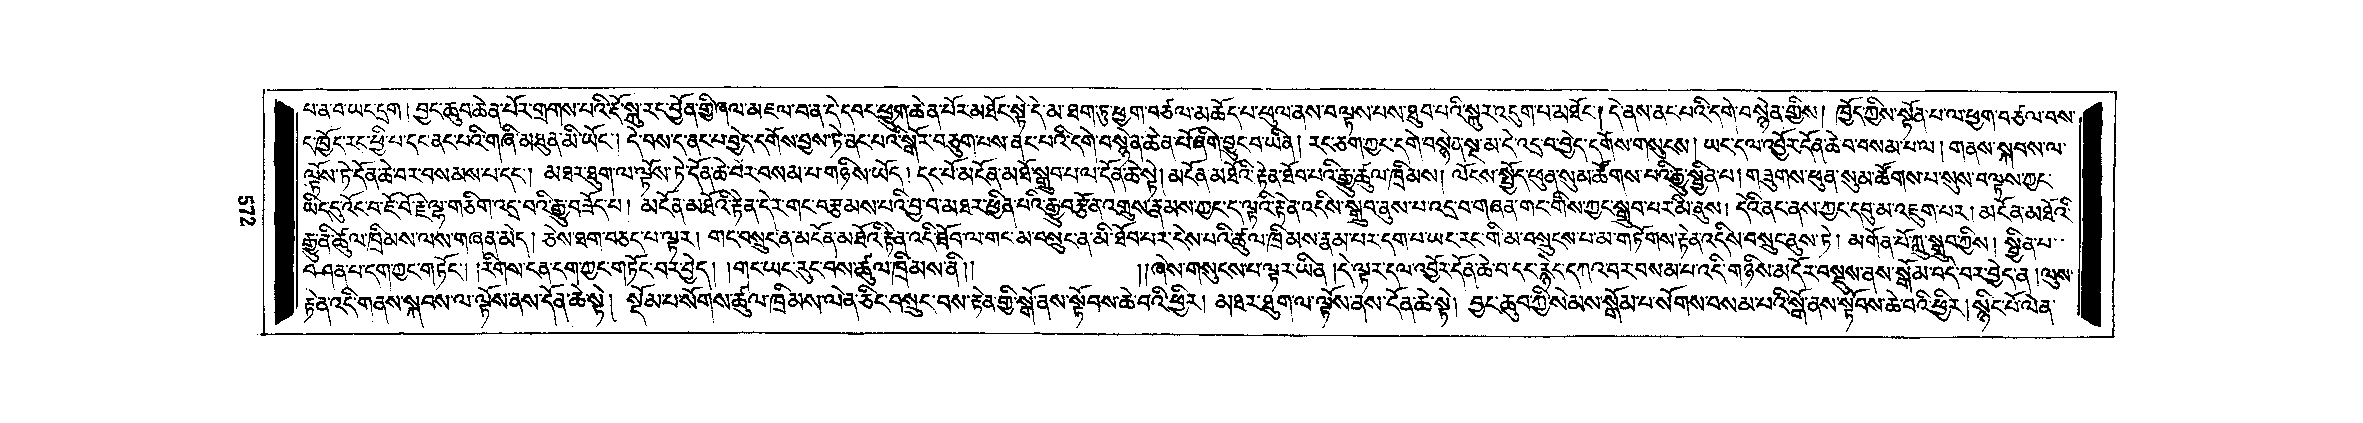པ་ན་བ་ཡང་དྲག །བྱང་ཆུབ་ཆེན་པོར་གྲགས་པའི་རྡོ་སྐུ་རང་བྱོན་གྱི་ཞལ་མཇལ་བ་ན་དེ་དབང་ཕྱུག་ཆེན་པོར་མཐོང་སྟེ་དེ་མ་ཐག་ཏུ་ཕྱག་བཙལ་མཆོད་པ་ཕུལ་ནས་བལྟས་པས་ཐུབ་པའི་སྐུར་འདུག་པ་མཐོང་། དེ་ནས་ནང་པའི་དགེ་བསྙེན་གྱིས། ཁྱོད་ཀྱིས་སྟོན་པ་ལ་ཕྱག་བཙལ་བས་
ད་ཁྱོད་རང་ཕྱི་པ་དང་ནང་པའི་གཞི་མཐུན་མི་ཡོང་། དེ་བས་ད་ནང་པ་བྱེད་དགོས་བྱས་ཏེ་ནང་པའི་སྒོར་བཅུག་པས་ནང་པའི་དགེ་བསྙེན་ཆེན་པོ་ཞིག་བྱུང་བ་ཡིན། རང་ཅག་ཀྱང་དགེ་བསྙེན་སྔ་མ་དེ་འདྲ་བ་བྱེད་དགོས་གསུངས། ཡང་དལ་འབྱོར་དོན་ཆེ་བ་བསམ་པ་ལ། གནས་སྐབས་ལ་
ལྟོས་ཏེ་དོན་ཆེ་བར་བསམས་པ་དང་། མཐར་ཐུག་ལ་ལྟོས་ཏེ་དོན་ཆེ་བར་བསམ་པ་གཉིས་ཡོད། དང་པོ་མངོན་མཐོ་སྒྲུབ་པ་ལ་དོན་ཆེ་སྟེ། མངོན་མཐོའི་རྟེན་ཐོབ་པའི་རྒྱུ་ཚུལ་ཁྲིམས། ལོངས་སྤྱོད་ཕུན་སུམ་ཚོགས་པའི་རྒྱུ་སྦྱིན་པ། གཟུགས་ཕུན་སུམ་ཚོགས་པ་སུས་བལྟས་ཀྱང་
ཡིད་དུ་འོང་བ་ཇོ་བོ་རྗེ་ལྷ་གཅིག་འདྲ་བའི་རྒྱུ་བཟོད་པ། མངོན་མཐོའི་རྟེན་དེར་གང་བརྩམས་པའི་བྱ་བ་མཐར་ཕྱིན་པའི་རྒྱུ་བརྩོན་འགྲུས་རྣམས་ཀྱང་ད་ལྟའི་རྟེན་འདིས་སྒྲུབ་ནུས་པ་འདྲ་བ་གཞན་གང་གིས་ཀྱང་སྒྲུབ་པར་མི་ནུས། དེའི་ནང་ནས་ཀྱང་དབུ་མ་འཇུག་པར། མངོན་མཐོའི་
རྒྱུ་ནི་ཚུལ་ཁྲིམས་ལས་གཞན་མེད། ཅེས་ཐག་བཅད་པ་ལྟར། གང་བསྲུང་ན་མངོན་མཐོའི་རྟེན་འདི་ཐོབ་ལ་གང་མ་བསྲུང་ན་མི་ཐོབ་པར་ངེས་པའི་ཚུལ་ཁྲིམས་རྣམ་པར་དག་པ་ཡང་རང་གི་མ་བསྲུངས་པ་མ་གཏོགས་རྟེན་འདིས་བསྲུང་ནུས་ཏེ། མགོན་པོ་ཀླུ་སྒྲུབ་ཀྱིས། སྦྱིན་པ་
བཤན་པ་དག་ཀྱང་གཏོང་། །རིགས་ངན་དག་ཀྱང་གཏོང་བར་བྱེད། །གང་ཡང་རུང་བས་ཚུལ་ཁྲིམས་ནི།། །།ཞེས་གསུངས་པ་ལྟར་ཡིན། དེ་ལྟར་དལ་འབྱོར་དོན་ཆེ་བ་དང་རྙེད་དཀའ་བར་བསམ་པ་འདི་གཉིས་མདོར་བསྡུས་ནས་སྒོམ་བདེ་བར་བྱེད་ན། ལུས་
རྟེན་འདི་གནས་སྐབས་ལ་ལྟོས་ནས་དོན་ཆེ་སྟེ། སྡོམ་པ་སོགས་ཚུལ་ཁྲིམས་ལེན་ཅིང་བསྲུང་བས་རྟེན་གྱི་སྒོ་ནས་སྟོབས་ཆེ་བའི་ཕྱིར། མཐར་ཐུག་ལ་ལྟོས་ནས་དོན་ཆེ་སྟེ། བྱང་ཆུབ་ཀྱི་སེམས་སྒོམ་པ་སོགས་བསམ་པའི་སྒོ་ནས་སྟོབས་ཆེ་བའི་ཕྱིར། སྙིང་པོ་ལེན་